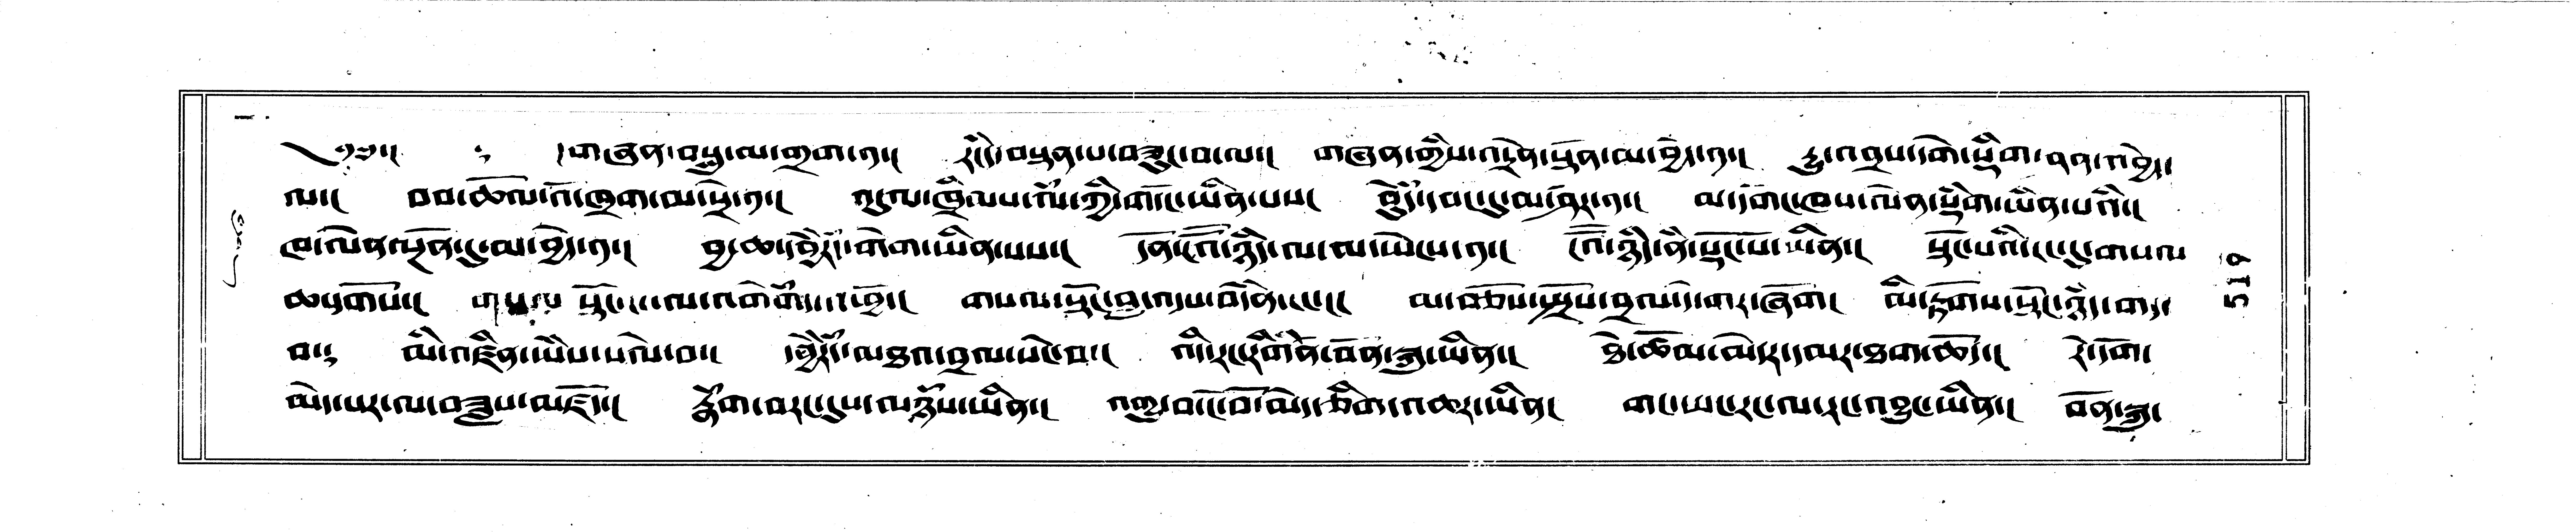གཞན་བསླུ་མ་གྲགས་ཤིག རང་ཉིད་བཙན་ས་བཟུང་པ་ལ། གཞན་གྱི་འདྲེན་སྟོན་མ་བྱེད་ཅིག རྒྱུ་འབྲས་དགེ་སྡིག་ཤན་འབྱེད་
ལ། བབ་ཆོལ་ཞོ་ཁྲག་མ་བསྲེ་ཅིག འདུལ་ཁྲིམས་ལམ་གྱི་སྡོང་ཡིན་པས། བུད་མེད་དབང་དུ་མ་ཤོར་ཅིག མ་བསྐོང་ཁས་ལེན་སྡིག་ཡིན་པས། 
ཁས་ལེན་སྔོན་དུ་མ་བྱེད་ཅིག བྱ་ཆ་བྱར་མེད་གགས་ཡིན་པས། ངོའོ་ཉིད་ལ་མ་ཡེངས་ཤིག ངོའོ་ཉིད་ནི་སྟོང་པ་ཡིན། སྟོང་པའི་ངང་དུ་གསལ་
ཆ་ཤར། གསལ་སྟོང་ངང་ནས་གྷག་(འགག)་མེད་འཕྱོ། གསལ་སྟོང་བློ་འདས་བདེ་ཆེན་ངང་། མ་བཅོས་སྤྲོས་བྲལ་དེ་ཀ་ཞོག མི་རྟོག་སྟོང་ཉིད་ཀད་
བ། འཛིན་མེད་ཡེ་ཤེས་སལེ་བ། བྱར་མེད་སྤྲོས་བྲལ་སང་ངེ་བ། འདི་རང་རིག་འཛིན་མེད་བོན་སྐུ་ཡིན། ཐེ་ཚོམ་མེད་པར་དམར་ཐག་ཆོད། རེ་དོག་
མེད་པར་ལ་བཟླ་མཛོད། རྣམ་རྟོག་བར་སྣང་དུས་ཉམས་ཡིན། བོན་སྐུའི་ངང་ལ་མི་བདའ་སྟེ། འགྱུ་བ་དངོས་མེད་ཅི་འཆར་ཡིན། ལར་གང་ལ་ཡང་རང་ལ་རང་འབྱུང་ཡིན། བོན་སྐུའི་